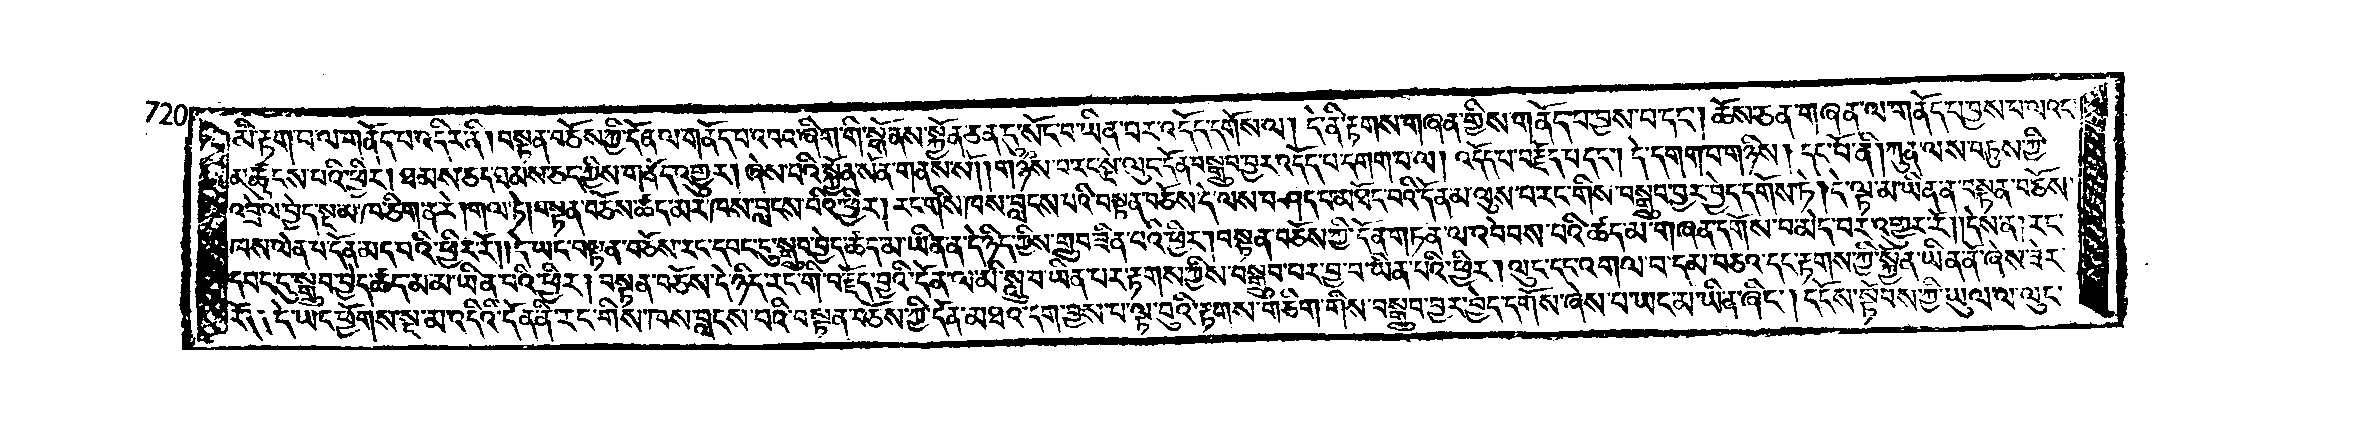མི་རྟག་པ་ལ་གནོད་པ་འདིར་ནི། བསྟན་བཅོས་ཀྱི་དོན་ལ་གནོད་པ་འབའ་ཞིག་གི་སྒོ་ནས་སྐྱོན་ཅན་དུ་སོང་བ་ཡིན་པར་འདོད་དགོས་ལ། དེ་ནི་རྟགས་གཞན་གྱིས་གནོད་པ་བྱས་པ་དང་། ཆོས་ཅན་གཞན་ལ་གནོད་པ་བྱས་པ་ལའང་
མཚུངས་པའི་ཕྱིར། ཐམས་ཅད་ཐམས་ཅད་ཀྱིས་གནོད་འགྱུར། ཞེས་པའི་སྐྱོན་སོན་གནས་སོ། །གཉིས་པ་རང་སྡེ་ལུང་དོན་བསྒྲུབ་བྱར་འདོད་པ་དགག་པ་ལ། འདོད་པ་བརྗོད་པ་དང་། དེ་དགག་པ་གཉིས། དང་པོ་ནི། ཀུན་ལས་བཏུས་ཀྱི་
འབྲེལ་བྱེད་སྔ་མ་ཁ་ཅིག་ན་རེ། གལ་ཏེ། བསྟན་བཅོས་ཚད་མར་ཁས་བླངས་པའི་ཕྱིར། རང་གིས་ཁས་བླངས་པའི་བསྟན་བཅོས་དེ་ལས་བཤད་པ་མཐོང་བའི་དོན་མ་ལུས་པ་རང་གིས་བསྒྲུབ་བྱར་བྱེད་དགོས་ཏེ། དེ་ལྟ་མ་ཡིན་ན་བསྟན་བཅོས་
ཁས་ལེན་པ་དོན་མེད་པའི་ཕྱིར་རོ། །དེ་ཡང་བསྟན་བཅོས་རང་དབང་དུ་སྒྲུབ་བྱེད་ཚད་མ་ཡིན་ན་དེ་ཉིད་ཀྱིས་གྲུབ་ཟིན་པའི་ཕྱིར། བསྟན་བཅོས་ཀྱི་དོན་གཏན་ལ་འབེབས་པའི་ཚད་མ་གཞན་དགོས་པ་མེད་པར་འགྱུར་རོ། །དེས་ན། རང་
དབང་དུ་སྒྲུབ་བྱེད་ཚད་མ་མ་ཡིན་པའི་ཕྱིར། བསྟན་བཅོས་དེ་ཉིད་རང་གི་བརྗོད་བྱའི་དོན་ལ་མི་སླུ་བ་ཡིན་པར་རྟགས་ཀྱིས་བསྒྲུབ་པར་བྱ་བ་ཡིན་པའི་ཕྱིར། ལུང་དང་འགལ་བ་དམ་བཅའ་དང་རྟགས་ཀྱི་སྐྱོན་ཡིན་ནོ་ཞེས་ཟེར་
རོ། །དེ་ཡང་ཕྱོགས་སྔ་མ་འདིའི་ནི་དོན་ནི་རང་གིས་ཁས་བླངས་པའི་བསྟན་བཅོས་ཀྱི་དོན་མཐའ་དག་བྱས་པ་ལྟ་བུའི་རྟགས་གཅིག་གིས་བསྒྲུབ་བྱར་བྱེད་དགོས་ཞེས་པ་ཡང་མ་ཡིན་ཞིང་། དངོས་སྟོབས་ཀྱི་ཡུལ་ལ་ལུང་